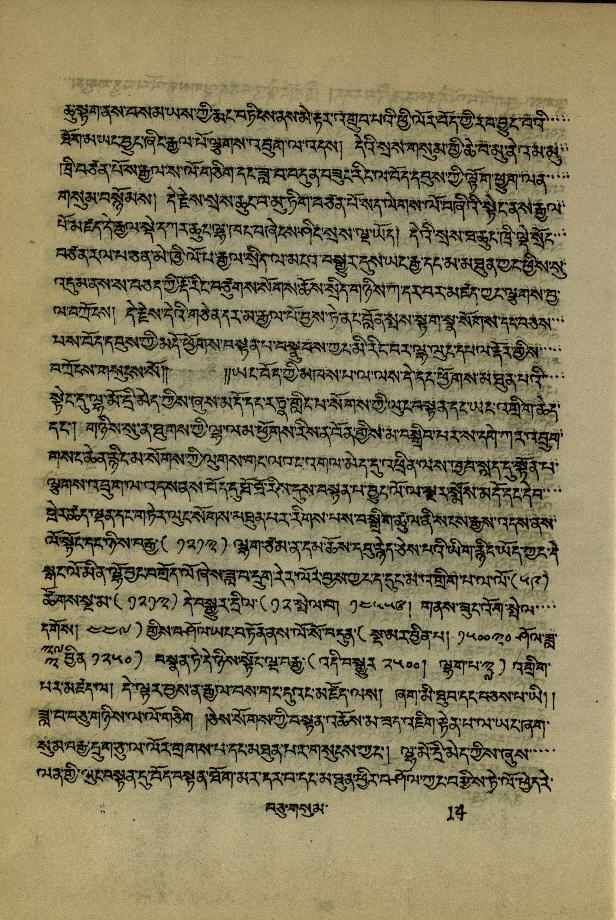ཆུ་སྟག་ནས་བསམ་ཡས་ཀྱི་རྨང་བཏིངས་ནས་མེ་རྟར་འགྲུབ་པའི་ཕྱི་ལོར་བོད་ཀྱི་རབ་བྱུང་བའི་
ཐོག་མ་ཡང་བྱུང་ཞིང་རྒྱལ་པོ་ལྕགས་འབྲུག་ལ་འདས། དེའི་སྲས་གསུམ་གྱི་ཆེ་བ་མུ་ནེའམ་མུ་
ཁྲི་བཙན་པོས་རྒྱལ་ས་ལོ་གཅིག་དང་ཟླ་བ་བདུན་བཟུང་རིང་ལ་བོད་དབུས་ཀྱི་ལྟོག་ཕྱུག་ལན་
གསུམ་བསྣོམས། དེ་རྗེས་སྲས་ཆུང་བ་མུ་ཏིག་བཙན་པོ་སད་ལེགས་ལོ་བཞིའི་སྟེང་ནས་རྒྱལ་
པོ་མཛད་དེ་རྒྱལ་སྡེ་དཀར་ཆུང་ལྷ་ཁང་བཞེངས་ཤིང་སྲས་ལྔ་ཡོད། དེའི་སྲས་ཐ་ཆུང་ཁྲི་ལྡེ་སྲོང་
བཙན་རལ་པ་ཅན་མེ་ཁྱི་ལོ་པ་རྒྱལ་སྲིད་ལ་མངའ་བསྒྱུར་དུས་ཡང་རྒྱ་དང་མ་མཐུན་ཀྱང་ཕྱིས་སུ་
འདུམ་ནས་ས་བཅད་ཀྱི་རྡོ་རིང་བཙུགས་སོགས་ཆོས་སྲིད་གཉིས་ཀ་དར་བར་མཛད་ཀྱང་ལྕགས་བྱ་
ལ་བཀྲོངས། དེ་རྗེས་དེའི་གཅེན་དང་མ་རྒྱལ་པོ་བྱས་ཏེ་ནང་བློན་སྤས་སྟག་སྣ་སོགས་དང་བཅས་
པས་བོད་དབུས་ཀྱི་མདོ་ཕྱོགས་བསྟན་པ་བསྣུབས་ཀྱང་མི་རིང་བར་ལྷ་ལུང་དཔལ་རྡོར་གྱིས་
བཀྲོངས་གསུངས་སོ།། །།ཡང་བོད་ཀྱི་མཁས་པ་ལ་ལས་དེ་དང་ཕྱོགས་མཐུན་པའི་
སྟེང་དུ་ལྷ་མོ་དྲི་མེད་ཀྱིས་ཞུས་མདོ་དང་རཏྣ་གླིང་པ་སོགས་ཀྱི་ལུང་བསྟན་དང་ཡང་འགྲིག་ཆེད་
དང་། གཉིས་སུ་ན་ཐུགས་ཀྱི་ལྷ་ལམ་ཕྱོགས་རིས་ན་བོན་གྱིས་མ་བསྒྲིབ་པར་ས་དགེ་ཀར་འབྲུག་
གསང་ཆེན་རྙིང་མ་སོགས་ཀྱི་ལུགས་གང་ལའང་འགལ་མེད་དུ་འཕྲིན་ལས་ཁྱབ་སླད་དུ་སྟོན་པ་
ལྕགས་འབྲུག་ལ་འདས་ནས་བོད་དུ་ཐོ་ཐོ་རིས་དུས་བསྟན་པ་བྱུང་ལོ་ལ་སྔར་སྨོས་མདོ་དང་དེབ་
ཐེར་ཚད་ལྡན་དང་གཏེར་ལུང་སོགས་མཐུན་པར་རིགས་པས་བསྒྲིག་ཚུལ་ནི་སངས་རྒྱས་འདས་ནས་
ལོ་སྟོང་དང་ཉིས་བརྒྱ་༡༢༡༣་ལྷག་ཙམ་ན་དམ་ཆོས་དབུ་རྙེད་ཅེས་པའི་ཡིག་རྙིང་ཡོད་ཀྱང་དེ་
སྒང་ལོ་མིན་ལྷོ་བྱང་བགྲོད་ལོ་ཞེས་ཟླ་བ་དྲུག་རེར་ལོར་བྱས་ཀྱང་ད་དུང་མ་འགྲིག་པ་ལ་ལོ་༥༩
ཚོགས་སྔ་མ་༡༢༡༣་དེ་བསྒྱུར་དྲིལ་༡༢་སྤེལ་བ། ༡༤༥༥༦། གནས་ཟུང་འོག་སྤེལ་
དགོས། ༤༤༧་གྱིས་བཤོལ་ཡང་བཏོན་ནས་ལོ་སོ་བདུན་སྔ་མར་བྱིན་པ། ༡༥༠༠༣༠་ཤོལ་ཟླ་
༣༣༧་བྱིན ༡༢༥༠་བསྣན་ཏེ་དེ་ཉིས་སྟོང་ལྔ་བརྒྱ་འདི་བསྒྱུར ༢༥༠༠། ལྷག་པ ༣༧་འགྲིག་
པར་མཛད་ལ། དེ་ལྟར་བྱས་ན་རྒྱལ་བས་གང་དུའང་མཛོད་ལས། ཞག་མི་ཐུབ་དང་བཅས་པ་ཡི།།
ཟླ་བ་བཅུ་གཉིས་ལ་ལོ་གཅིག །ཅེས་སོགས་ཀྱི་བསྟན་འཆོས་མ་ཟད་འཇིག་རྟེན་པ་ལ་ཡང་ཞག་
སུམ་བརྒྱ་དྲུག་ཅུ་ལ་ལོར་གྲགས་པ་དང་མཐུན་པར་གསུངས་ཀྱང་། ལྷ་མོ་དྲི་མེད་ཀྱིས་ཞུས་
ལན་གྱི་ལུང་བསྟན་དུ་བོད་བསྟན་ཐོག་མར་དར་བ་དང་མཐུན་ཕྱིར་བཤོལ་ཀྱང་བརྩིས་ཏེ་ལོ་ཕྱེད་རེ་